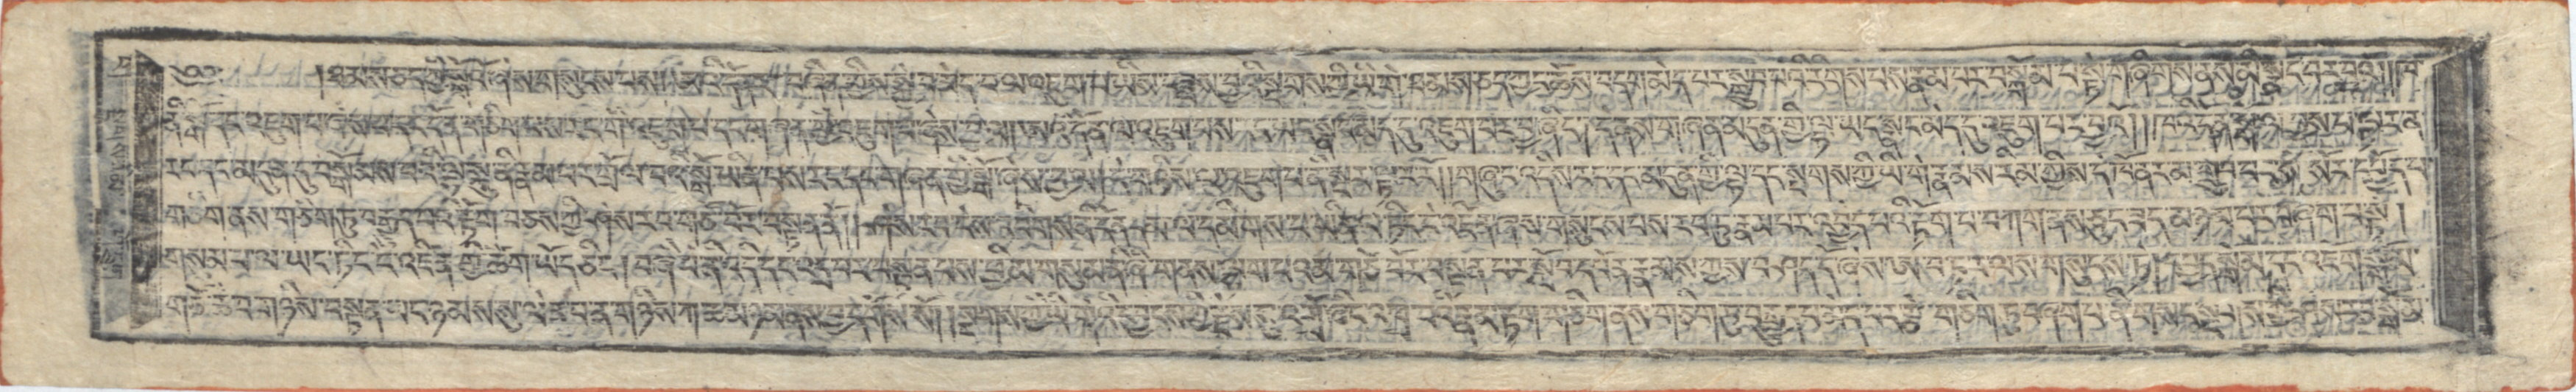༄༅། །ཐམས་ཅད་ཀྱི་སྒོའོ་ཞེས་གསུངས་པས། ཨཱི་དོན་རང་བཞིན་གྱིས་སྐྱེ་བ་མེད་པ་ལ་འཇུག་པ་ཡིས་བཟླས་བྱའི་སྔགས་ཀྱི་ཡི་གེ་ཐམས་ཅད་ཀྱང་ཆོས་བདག་མེད་པར་སྒྲུབ་པའི་རིགས་པས་རྣམ་པར་བསྒོམ་པ་སྟེ་གཞིགས་ནས་མི་སྣང་བར་བྱའོ། །ཁ་
ནི་སྒོ་དང་འཇུག་པ་ཞེས་པ་དང་དོན་གཅིག་པས་རང་གི་འཇུག་པ་དང་གཞན་གྱི་འཇུག་པ་ཞེས་བྱ་ལ། ཨཱི་དོན་ལ་འཇུག་པས་རང་ཡང་སྣང་མེད་དུ་འཇུག་པར་བྱ་ཞིང་། དེ་ནས་གཞན་མདུན་གྱི་ལྷ་ཡང་སྣང་མེད་དུ་འཇུག་པར་བྱའོ། །ཁའི་དོན་སྒོ་ལ་བྱས་པ་ལྟར་ན་
རང་དང་མདུན་དུ་བསྒོམས་པའི་ལྷ་སྐུ་ནི་རྣམ་པར་གྲོལ་བའི་སྒོ་ཡིན་པས་རང་དང་གཞན་གྱི་སྒོ་ཞེས་བྱ་ལ། དེ་གཉིས་ལ་འཇུག་པ་ནི་སྔར་ལྟར་རོ། །གཞུང་འདིས་རང་དང་མདུན་གྱི་ལྷ་དང་སྔགས་ཀྱི་ཡི་གེ་རྣམས་རིམ་གྱིས་དེ་ཁོ་ནར་མ་གྲུབ་པར་སོ་སོར་དཔྱོད་པ་
གཅིག་ནས་གཅིག་ཏུ་བརྒྱུད་པའི་རྟོག་བཅས་ཀྱི་ཤེས་རབ་གཙོ་བོར་བསྟན་ནོ། །ཤེས་རབ་ངེས་འབིགས་ནི་དོན་དམ་ལ་དམིགས་པ་ཡིན་ལ་ཏིང་ངེ་འཛིན་ཞེས་གསུངས་པས་རབ་ཏུ་རྣམ་པར་འབྱེད་པའི་རྟོག་པ་བཀག་ནས་ཅུང་ཟད་མཉམ་པར་བཞག་པ་སྟེ།
གསུམ་པ་ལ་ཡང་ཏིང་ངེ་འཛིན་གྱི་ཚིག་ཡོད་ཅིང་། བཞི་པ་ནི་འདི་དང་འདྲ་བར་བསྟན་པས་ཕྱི་མ་གསུམ་ནི་ཞི་གནས་ལྷག་པའམ་གཙོ་བོར་བསྟན་པར་སློབ་དཔོན་རྣམས་ཀྱིས་བཤད་དོ་ཞེས་ཨ་བ་ཏ་ར་ལས་གསུངས་ཏེ། དཔྱད་སྒོམ་དང་འཇོག་སྒོམ་
གཙོ་ཆེ་བ་གཉིས་བསྟན་ཡང་ཉམས་སུ་ལེན་པ་ན་གཉིས་ཀ་ཆ་མཉམ་ནས་བྱ་དགོས་སོ། །སྔགས་ཀྱི་ཡི་གེའི་དབྱངས་ཀྱི་རྗེས་སུ་འགྲོ་ཞིང་འཕྲ་བའི་རྣམ་རྟོག་གཅིག་ནས་གཅིག་ཏུ་བརྒྱུད་པ་མེད་པར་རྩེ་གཅིག་ཏུ་བཞག་པ་ནི་གསང་སྔགས་ཀྱི་ཤེས་རབ་སྒོམ་